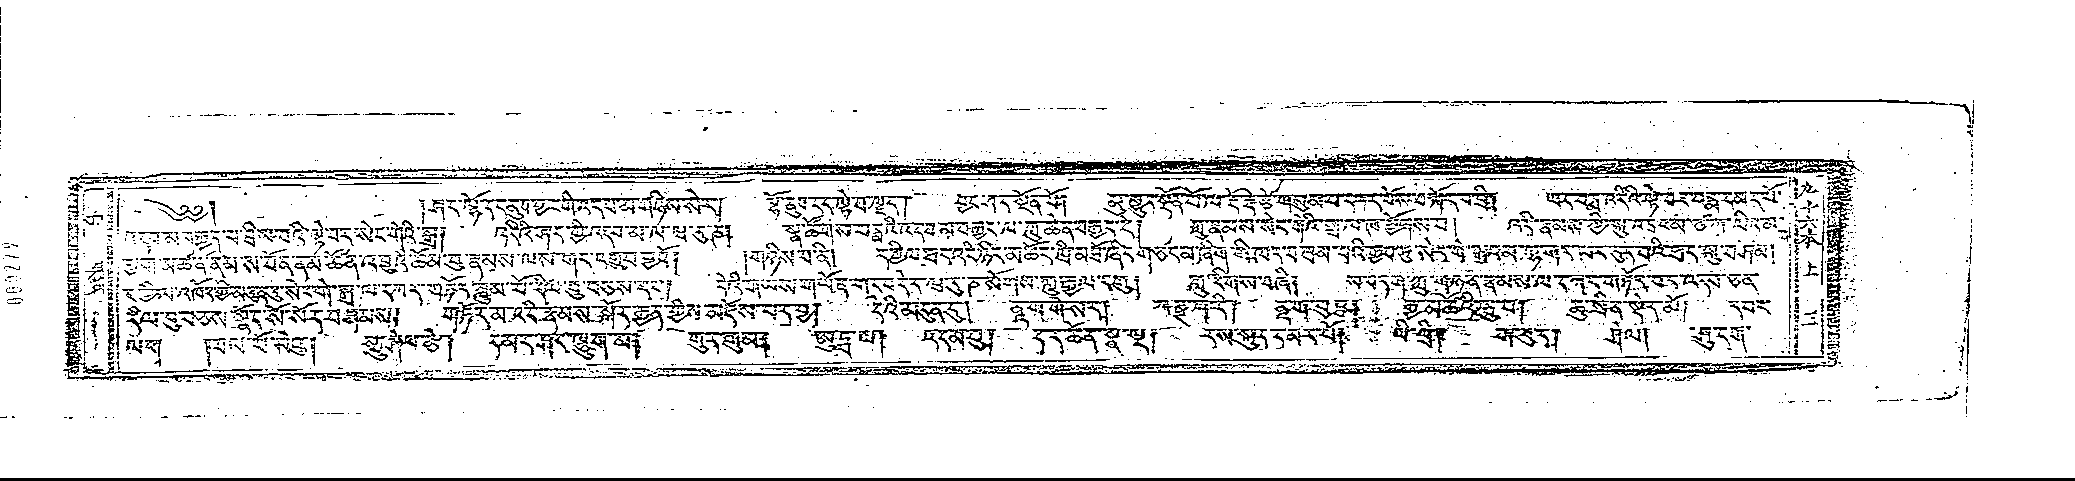༄༅། །ཤང་ལྷོ་དང་ནུབ་བྱང་གི་འདབ་མ་གཉིས་སེར། ལྷོ་ནུབ་དང་ལྟེ་བ་ལྗང་། བྱང་ཤར་སྔོན་པོ། མུ་ཁྱུད་སྔོན་པོ་ལ་རྡོ་རྗེ་རྩེ་གསུམ་པར་རྐང་པོས་བསྐོར་བ་བྲི། ཡང་པདམ་འདིའི་ལྟེ་བར་པདམ་དམར་པོ་
འདབ་མ་བརྐྱང་པ་བྲིས་པའི་ལྟེ་བར་སེང་གེའི་སྒྲ། འདིའི་ཤད་གྱི་འདབ་མ་ལ་ཝ་རུ་ཎ། སྣ་ཚོགས་པདམའི་འདབ་མ་བརྒྱད་ལ་ཀླུ་ཆེན་བརྒྱད་དེ། ཀླུ་རྣམས་སེང་གེའི་སྒྲ་ལ་ཁ་ཕྱོགས་པ། འདི་རྣམས་ཀྱི་སྐུ་འདྲའམ་ཙ་ཀ་ལིའམ་
ཕྱག་མཚན་ནམ་ས་བོན་ནམ་ཚོན་འབྲུའི་ཚོམ་བུ་རྣམས་ལས་གང་འགྲུབ་བྱའོ། །གཉིས་པ་ནི། དཀྱིལ་ཐང་འདི་ཉིད་མཆོད་ཁྲི་མཐོ་ཞིང་གཙང་མ་ཞིག་གི་ཁང་བཀྲམ་བའི་རྒྱབ་ཏུ་སེང་གེ་སྒྲའམ་ལྷ་གང་ཡང་རུང་བའི་ཐང་སྐུ་བཤམ་།
དཀྱིལ་འཁོར་གྱི་མདུན་དུ་སེང་གེ་སྒྲ་ལ་དཀར་གཏོང་ཟླུམ་པོ་རིལ་བུ་བཅས་དང་། དེའི་གཡས་གཡོན་གང་བདེར་ཝ་རུ་ཎ་སོགས་ཀླུ་རྒྱལ་དགུ། ཀླུ་རིགས་བཞི། ས་བདག་ཀླུ་གཉན་རྣམས་ལ་དཀར་གཏོར་པད་འདབ་ཅན་
རིལ་བུ་བཅས་སྣོད་སོ་སོར་བཤམས། གཏོར་མ་འདི་རྣམས་སྐོར་རྒྱན་གྱིས་མཛེས་པར་བྱ། དེའི་མདུན་དུ། །ནཱ་ག་གེ་སར། ཀཊྚ་ཀ་རི། ནཱ་ག་པུཥྤ། རྒྱ་མཚོའི་ལྤུ་བ། ཆུ་སྲིན་སྡེར་མོ། དབང་
ལག །བལ་པོ་སེའུ། སྤུ་ཤེལ་རྩེ། དམར་ཤང་ལྕུག་མ། གུར་གུམ། ཨུཏྤ་ལ། འདམ་བུ། དར་ཆོན་སྣ་སྔ། རས་སྐུད་དམར་པོ། ལི་ཁྲི། ག་བུད། ཤེལ། ཤུ་དག་